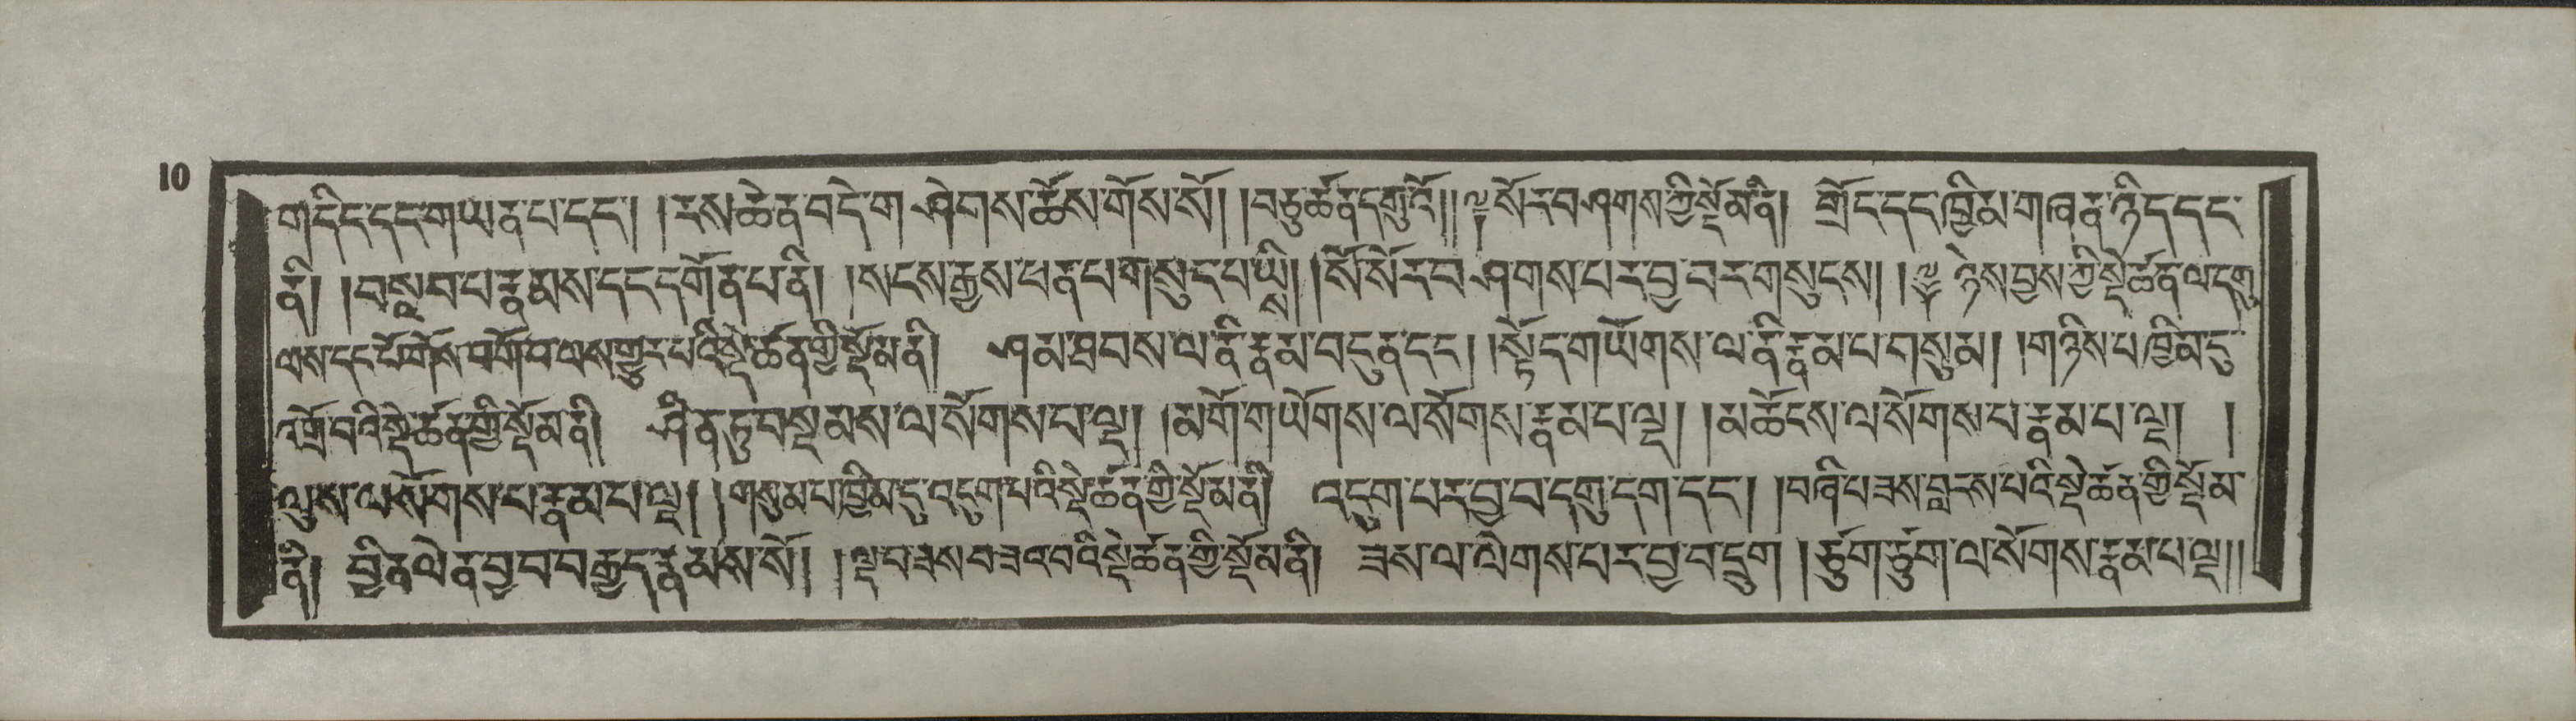གདིང་དང་གཡན་པ་དང་། །རས་ཆེན་བདེ་གཤེགས་ཆོས་གོས་སོ། །བཅུ་ཚན་དགུའོ།། ༈ སོར་བཤགས་ཀྱི་སྡོམ་ནི། གྲོང་དང་ཁྱིམ་གཞན་ཉིད་དང་
ནི། །བསླབ་པ་རྣམས་དང་དགོན་པ་ནི། །སངས་རྒྱས་ཕན་པ་གསུང་པ་ཡིས། །སོ་སོར་བཤགས་པར་བྱ་བར་གསུངས།། ༈ ཉེས་བྱས་ཀྱི་སྡེ་ཚན་ལ་དགུ་
ལས་དང་པོ་གོས་བགོ་བ་ལས་གྱུར་པའི་སྡེ་ཚན་གྱི་སྡོམ་ནི། ཤམ་ཐབས་ལ་ནི་རྣམ་བདུན་དང་། །སྟོད་གཡོགས་ལ་ནི་རྣམ་པ་གསུམ། །གཉིས་པ་ཁྱིམ་དུ་
འགྲོ་བའི་སྡེ་ཚན་གྱི་སྡོམ་ནི། ཤིན་ཏུ་བསྡམས་ལ་སོགས་པ་ལྔ། །མགོ་གཡོགས་ལ་སོགས་རྣམ་པ་ལྔ། །མཆོངས་ལ་སོགས་པ་རྣམ་པ་ལྔ། །
ལུས་ལ་སོགས་པ་རྣམ་པ་ལྔ། །གསུམ་པ་ཁྱིམ་དུ་འདུག་པའི་སྡེ་ཚན་གྱི་སྡོམ་ནི། འདུག་པར་བྱ་བ་དགུ་དག་དང་། །བཞི་པ་ཟས་བླངས་པའི་སྡེ་ཚན་གྱི་སྡོམ་
ནི། བྱིན་ལེན་བྱ་བ་བརྒྱད་རྣམས་སོ། །ལྔ་པ་ཟས་བཟའ་བའི་སྡེ་ཚན་གྱི་སྡོམ་ནི། ཟས་ལ་ལེགས་པར་བྱ་བ་དྲུག །ཙུག་ཙུག་ལ་སོགས་རྣམ་པ་ལྔ།།